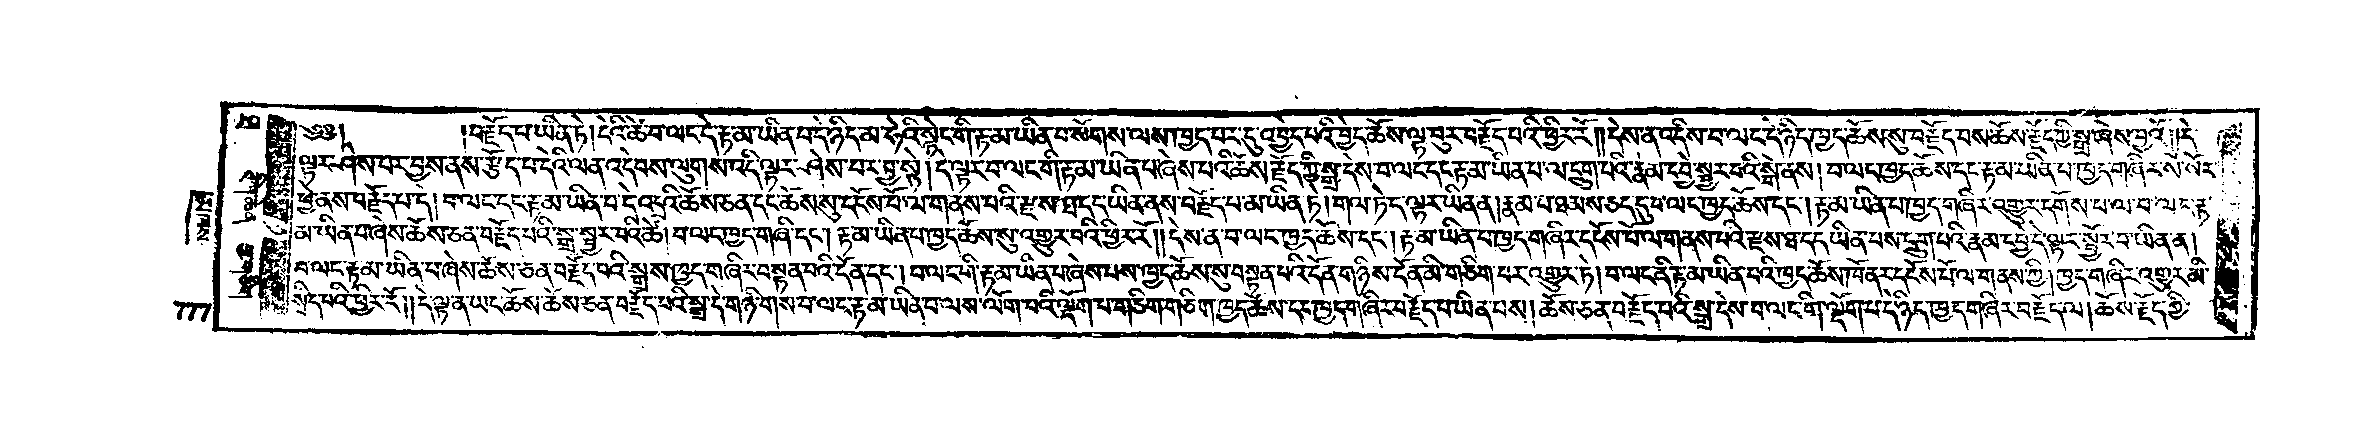༄༅། །བརྗོད་པ་ཡིན་ཏེ། དེའི་ཚེ་བ་ལང་དེ་རྟ་མ་ཡིན་པ་དེ་ཉིད་མ་ཧེའི་སྟེང་གི་རྟ་མ་ཡིན་པ་སོགས་ལས་ཁྱད་པར་དུ་འབྱེད་པའི་བྱེད་ཆོས་ལྟ་བུར་བརྗོད་པའི་ཕྱིར་རོ། །དེས་ན་འདིས་བ་ལང་དེ་ཉིད་ཁྱད་ཆོས་སུ་བརྗོད་པས་ཆོས་རྗོད་ཀྱི་སྒྲ་ཞེས་བྱའོ། །དེ་
ལྟར་ཤེས་པར་བྱས་ནས་རྩོད་པ་དེའི་ལན་འདེབས་ལུགས་འདི་ལྟར་ཤེས་པར་བྱ་སྟེ། དེ་ལྟར་བ་ལང་གི་རྟ་མ་ཡིན་པ་ཞེས་པའི་ཆོས་རྗོད་ཀྱི་སྒྲ་དེས་བ་ལང་དང་རྟ་མ་ཡིན་པ་ལ་དྲུག་པའི་རྣམ་དབྱེ་སྦྱར་བའི་སྒོ་ནས། བ་ལང་ཁྱད་ཆོས་དང་རྟ་མ་ཡིན་པ་ཁྱད་གཞིར་སོ་སོར་
ཕྱེ་ནས་བརྗོད་པ་དེ། བ་ལང་དང་རྟ་མ་ཡིན་པ་དེ་འདྲའི་ཆོས་ཅན་དང་ཆོས་སུ་དངོས་པོ་ལ་གནས་པའི་རྫས་ཐ་དད་ཡིན་ནས་བརྗོད་པ་མ་ཡིན་ཏེ། གལ་ཏེ་ད་ལྟར་ཡིན་ན། རྣམ་པ་ཐམས་ཅད་དུ་བ་ལང་ཁྱད་ཆོས་དང་། རྟ་མ་ཡིན་པ་ཁྱད་གཞིར་འགྱུར་དགོས་པ་ལ་བ་ལང་རྟ་
མ་ཡིན་པ་ཞེས་ཆོས་ཅན་བརྗོད་པའི་སྒྲ་སྦྱར་བའི་ཚེ། བ་ལང་ཁྱད་གཞི་དང་། རྟ་མ་ཡིན་པ་ཁྱད་ཆོས་སུ་འགྱུར་བའི་ཕྱིར་རོ། །དེས་ན་བ་ལང་ཁྱད་ཆོས་དང་། རྟ་མ་ཡིན་པ་ཁྱད་གཞིར་དངོས་པོ་ལ་གནས་པའི་རྫས་ཐ་དད་ཡིན་པས་དྲུག་པའི་རྣམ་དབྱེ་དེ་ལྟར་སྦྱོར་བ་ཡིན་ན།
བ་ལང་རྟ་མ་ཡིན་པ་ཞེས་ཆོས་ཅན་བརྗོད་པའི་སྒྲས་ཁྱད་གཞིར་བསྟན་པའི་དོན་དང་། བ་ལང་གི་རྟ་མ་ཡིན་པ་ཞེས་པས་ཁྱད་ཆོས་སུ་བསྟན་པའི་དོན་གཉིས་དོན་མི་གཅིག་པར་འགྱུར་ཏེ། བ་ལང་ནི་རྟ་མ་ཡིན་པའི་ཁྱད་ཆོས་ཁོ་ནར་དངོས་པོ་ལ་གནས་ཀྱི། ཁྱད་གཞིར་འགྱུར་མི་
སྲིད་པའི་ཕྱིར་རོ། །དེ་ལྟ་ན་ཡང་ཆོས་ཆོས་ཅན་བརྗོད་པའི་སྒྲ་དེ་གཉི་གས་བ་ལང་རྟ་མ་ཡིན་པ་ལས་ལོག་པའི་ལྡོག་པ་གཅིག་གཅིག་ཁྱད་ཆོས་དང་ཁྱད་གཞིར་བརྗོད་པ་ཡིན་པས། ཆོས་ཅན་བརྗོད་པའི་སྒྲ་དེས་བ་ལང་གི་ལྡོག་པ་དེ་ཉིད་ཁྱད་གཞིར་བརྗོད་ལ། ཆོས་རྗོད་ཀྱི་